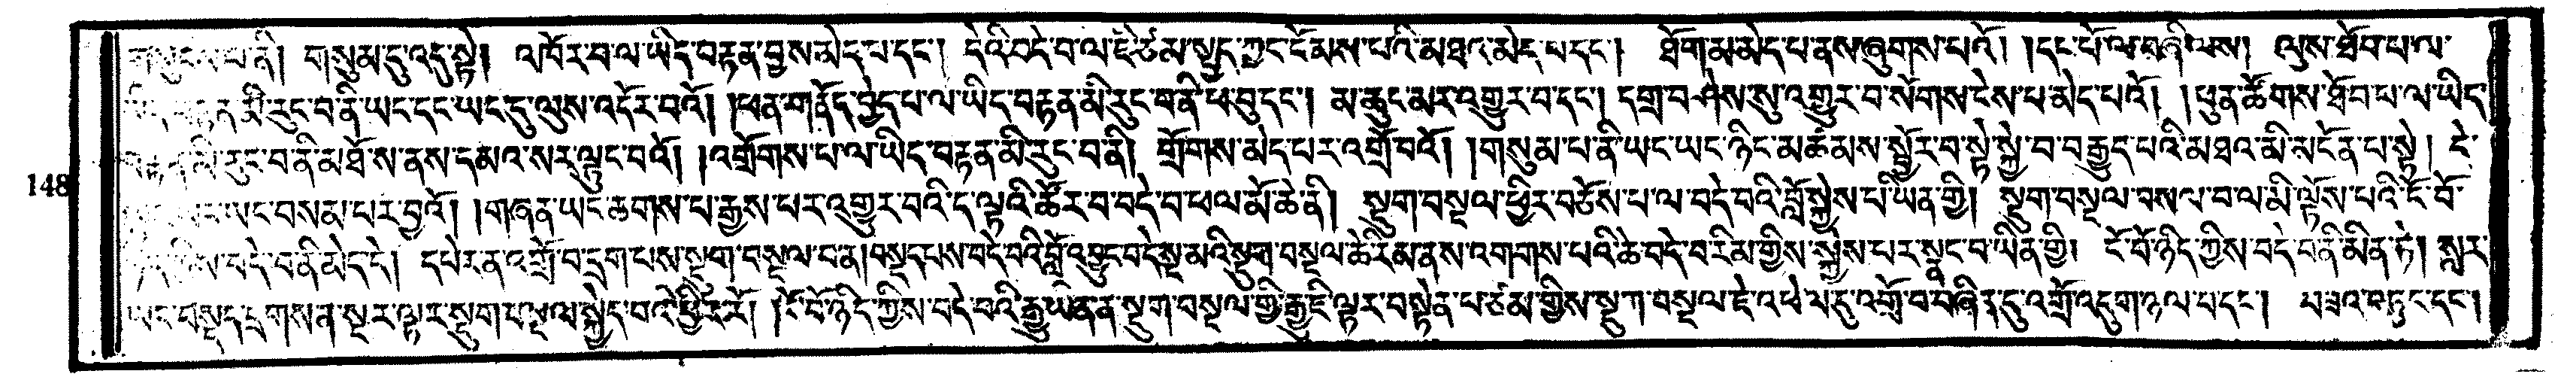གསུངས་པ་ནི། གསུམ་དུ་འདུ་སྟེ། འཁོར་བ་ལ་ཡིད་བརྟན་བྱས་མེད་པ་དང་། དེའི་བདེ་བ་ལ་ཇི་ཙམ་སྤྱད་ཀྱང་ངོམས་པའི་མཐའ་མེད་པ་དང་། ཐོག་མ་མེད་པ་ནས་ཞུགས་པའོ། །དང་པོ་ལ་བཞི་ལས། ལུས་ཐོབ་པ་ལ་
ཡིད་བརྟན་མི་རུང་བ་ནི་ཡང་དང་ཡང་དུ་ལུས་འདོར་བའོ། །ཕན་གནོད་བྱེད་པ་ལ་ཡིད་བརྟན་མི་རུང་བ་ནི་ཕ་བུ་དང་། མ་ཆུང་མར་འགྱུར་བ་དང་། དགྲ་བཤེས་སུ་འགྱུར་བ་སོགས་ངེས་པ་མེད་པའོ། །ཕུན་ཚོགས་ཐོབ་པ་ལ་ཡིད་
བརྟན་མི་རུང་བ་ནི་མཐོ་ས་ནས་དམའ་སར་ལྟུང་བའོ། །འགྲོགས་པ་ལ་ཡིད་བརྟན་མི་རུང་བ་ནི། གྲོགས་མེད་པར་འགྲོ་བའོ། །གསུམ་པ་ནི་ཡང་ཡང་ཉིང་མཚམས་སྦྱོར་བ་སྟེ་སྐྱེ་བ་བརྒྱུད་པའི་མཐའ་མི་མངོན་པ་སྟེ། དེ་
ལྟར་ཡང་ཡང་བསམ་པར་བྱའོ། །གཞན་ཡང་ཆགས་པ་རྒྱས་པར་འགྱུར་བའི་ད་ལྟའི་ཚོར་བ་བདེ་བ་ཕལ་མོ་ཆེ་ནི། སྡུག་བསྔལ་ཕྱིར་བཅོས་པ་ལ་བདེ་བའི་བློ་སྐྱེས་པ་ཡིན་གྱི། སྡུག་བསྔལ་བསལ་བ་ལ་མི་ལྟོས་པའི་ངོ་བོ་
ཉིད་ཀྱིས་བདེ་བ་ནི་མེད་དེ། དཔེར་ན་འགྲོ་བ་དྲག་པས་སྡུག་བསྔལ་བ་ན། བསྡད་པས་བདེ་བའི་བློ་འབྱུང་བ་དེ་སྔ་མའི་སྡུག་བསྔལ་ཆེ་རིམ་ནས་འགགས་པའི་ཆེ་བདེ་བ་རིམ་གྱིས་སྐྱེས་པར་སྣང་བ་ཡིན་གྱི། ངོ་བོ་ཉིད་ཀྱིས་བདེ་བ་ནི་མིན་ཏེ། སླར་
ཡང་བསྡད་དྲགས་ན་སྔར་ལྟར་སྡུག་བསྔལ་སྐྱེད་བའི་ཕྱིར་རོ། །ངོ་བོ་ཉིད་ཀྱིས་བདེ་བའི་རྒྱུ་ཡིན་ན་སྡུག་བསྔལ་གྱི་རྒྱུ་ཇི་ལྟར་བསྟེན་པ་ཙམ་གྱིས་སྡུག་བསྔལ་ཇེ་འཕེལ་དུ་འགྲོ་བ་བཞིན་དུ་འགྲོ་འདུག་ཉལ་བ་དང་། བཟའ་བཏུང་དང་།